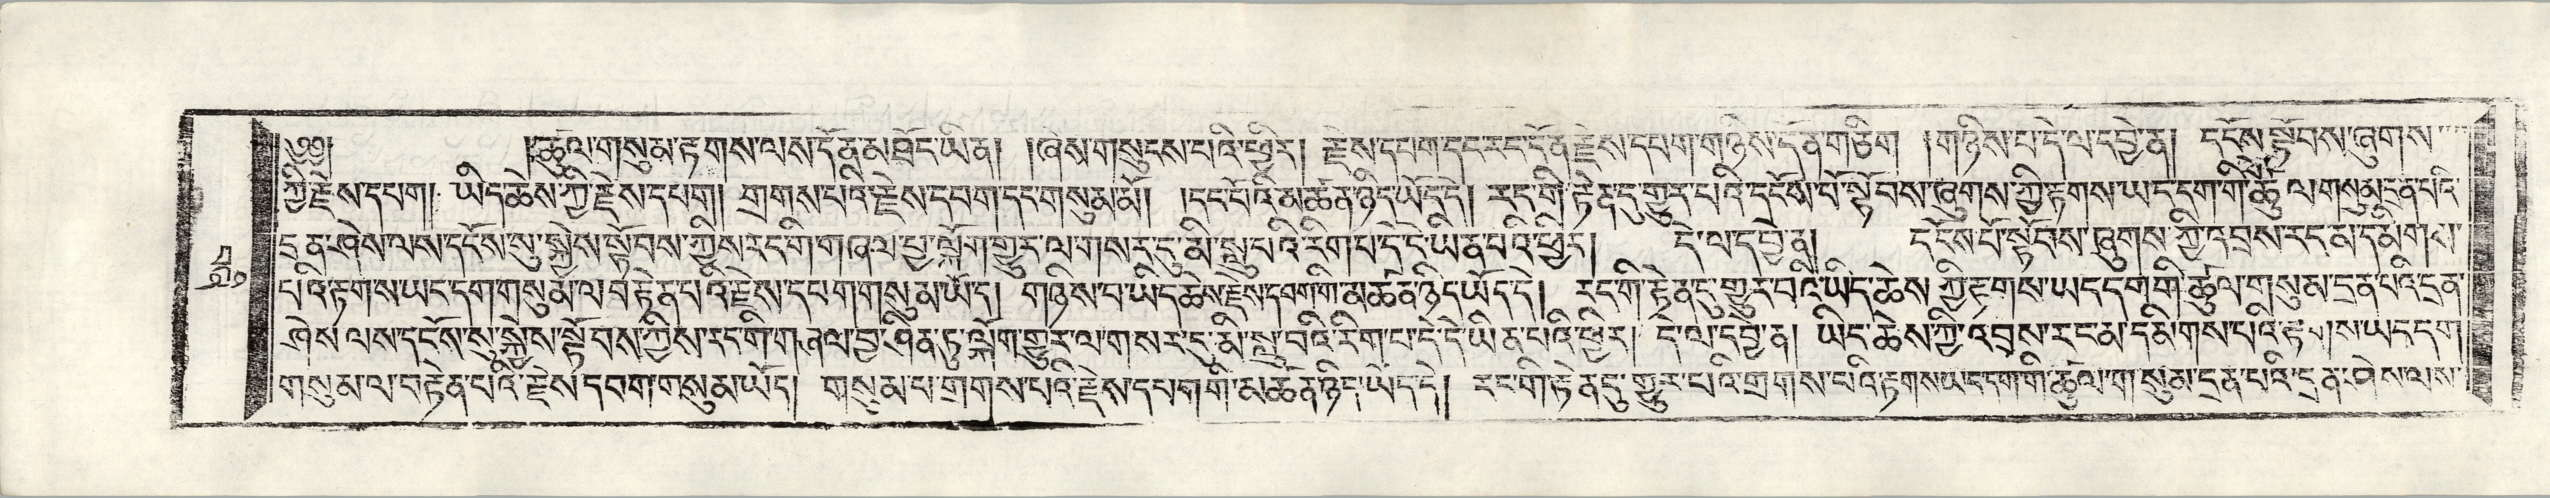༄༅། །ཚུལ་གསུམ་རྟགས་ལས་དོན་མཐོང་ཡིན། །ཞེས་གསུངས་པའི་ཕྱིར། རྗེས་དཔག་དང་རང་དོན་རྗེས་དཔག་གཉིས་དོན་གཅིག །གཉིས་པ་དེ་ལ་དབྱེ་ན། དངོས་པོ་སྟོབས་ཞུགས་
ཀྱི་རྗེས་དཔག། ཡིད་ཆེས་ཀྱི་རྗེས་དཔག། གྲགས་པའི་རྗེས་དཔག་དང་གསུམ་མོ། །དང་པོའི་མཚན་ཉིད་ཡོད་དེ། རང་གི་རྟེན་དུ་གྱུར་བའི་དངོས་པོ་སྟོབས་ཞུགས་ཀྱི་རྟགས་ཡང་དག་གི་ཚུལ་གསུམ་དྲན་པའི་
དྲན་ཤེས་ལས་དངོས་སུ་སྐྱེས་སྟོབས་ཀྱིས་རང་གི་གཞལ་བྱ་ལྐོག་གྱུར་ལ་གསར་དུ་མི་སླུ་བའི་རིག་པ་དེ་དེ་ཡིན་པའི་ཕྱིར། དེ་ལ་དབྱེ་ན། དངོས་པོ་སྟོབས་ཞུགས་ཀྱི་འབྲས་རང་མ་དམིགས་
པའི་རྟགས་ཡང་དག་གསུམ་ལ་བརྟེན་པའི་རྗེས་དཔག་གསུམ་ཡོད། གཉིས་པ་ཡིད་ཆེས་རྗེས་དཔག་གི་མཚན་ཉིད་ཡོད་དེ། རང་གི་རྟེན་དུ་གྱུར་བའི་ཡིད་ཆེས་ཀྱི་རྟགས་ཡང་དག་གི་ཚུལ་གསུམ་དྲན་པའི་དྲན་
ཤེས་ལས་དངོས་སུ་སྐྱེས་སྟོབས་ཀྱིས་རང་གི་གཞལ་བྱ་ཤིན་ཏུ་ལྐོག་གྱུར་ལ་གསར་དུ་མི་སླུ་བའི་རིག་པ་དེ་དེ་ཡིན་པའི་ཕྱིར། དེ་ལ་དབྱེ་ན། ཡིད་ཆེས་ཀྱི་འབྲས་རང་མ་དམིགས་པའི་རྟགས་ཡང་དག་
གསུམ་ལ་བརྟེན་པའི་རྗེས་དཔག་གསུམ་ཡོད། གསུམ་པ་གྲགས་པའི་རྗེས་དཔག་གི་མཚན་ཉིད་ཡོད་དེ། རང་གི་རྟེན་དུ་གྱུར་བའི་གྲགས་པའི་རྟགས་ཡང་དག་གི་ཚུལ་གསུམ་དྲན་པའི་དྲན་ཤེས་ལས་